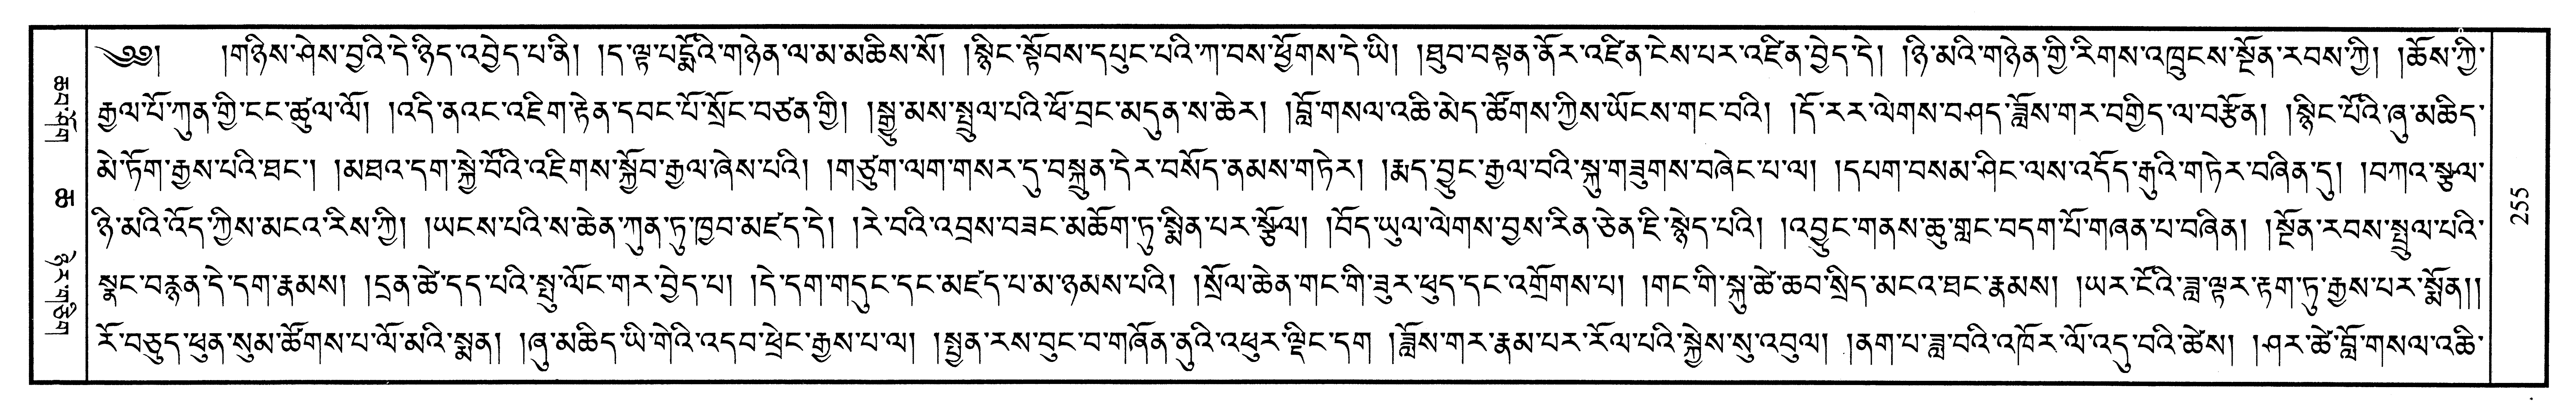༄༅། །གཉིས་ཤེས་བྱའི་དེ་ཉིད་འབྱེད་པ་ནི། །ད་ལྟ་པདམོའི་གཉེན་ལ་མ་མཆིས་སོ། །སྙིང་སྟོབས་དཔུང་པའི་ཀ་བས་ཕྱོགས་དེ་ཡི། །ཐུབ་བསྟན་ནོར་འཛིན་ངེས་པར་འཛིན་བྱེད་དེ། །ཉི་མའི་གཉེན་གྱི་རིགས་འཁྲུངས་སྔོན་རབས་ཀྱི། །ཆོས་ཀྱི་
རྒྱལ་པོ་ཀུན་གྱི་ངང་ཚུལ་ལོ། །འདི་ནའང་འཇིག་རྟེན་དབང་པོ་སྲོང་བཙན་གྱི། །སྒྱུ་མས་སྤྲུལ་པའི་ཕོ་བྲང་མདུན་ས་ཆེར། །བློ་གསལ་འཆི་མེད་ཚོགས་ཀྱིས་ཡོངས་གང་བའི། །དོ་རར་ལེགས་བཤད་ཟློས་གར་བགྱིད་ལ་བརྩོན། །སྙིང་པོའི་ཞུ་མཆིད་
མེ་ཏོག་རྒྱས་པའི་ཐང་། །མཐའ་དག་སྐྱེ་བོའི་འཇིགས་སྐྱོབ་རྒྱལ་ཞེས་པའི། །གཙུག་ལག་གསར་དུ་བསྐྲུན་དེར་བསོད་ནམས་གཏེར། །རྨད་བྱུང་རྒྱལ་བའི་སྐུ་གཟུགས་བཞེང་པ་ལ། །དཔག་བསམ་ཤིང་ལས་འདོད་རྒུའི་གཏེར་བཞིན་དུ། །བཀའ་སྩལ་
ཉི་མའི་འོད་ཀྱིས་མངའ་རིས་ཀྱི། །ཡངས་པའི་ས་ཆེན་ཀུན་ཏུ་ཁྱབ་མཛད་དེ། །རེ་བའི་འབྲས་བཟང་མཆོག་ཏུ་སྨིན་པར་སྩོལ། །བོད་ཡུལ་ལེགས་བྱས་རིན་ཅེན་ཇི་སྙེད་པའི། །འབྱུང་གནས་ཆུ་གླང་བདག་པོ་གཞན་པ་བཞིན། །སྔོན་རབས་སྤྲུལ་པའི་
སྣང་བརྙན་དེ་དག་རྣམས། །དྲན་ཚེ་དད་པའི་སྤུ་ལོང་གར་བྱེད་པ། །དེ་དག་གདུང་དང་མཛད་པ་མ་ཉམས་པའི། །སྲོལ་ཆེན་གང་གི་ཟུར་ཕུད་དང་འགྲོགས་པ། །གང་གི་སྐུ་ཚེ་ཆབ་སྲིད་མངའ་ཐང་རྣམས། །ཡར་ངོའི་ཟླ་ལྟར་རྟག་ཏུ་རྒྱས་པར་སྨོན།།
རོ་བཅུད་ཕུན་སུམ་ཚོགས་པ་ལོ་མའི་སྨན། །ཞུ་མཆིད་ཡི་གེའི་འདབ་ཕྲེང་རྒྱས་པ་ལ། །སྤྱན་རས་བུང་བ་གཞོན་ནུའི་འཕུར་ལྡིང་དག །ཟློས་གར་རྣམ་པར་རོལ་པའི་སྐྱེས་སུ་འབུལ། །ནག་པ་ཟླ་བའི་འཁོར་ལོ་འདུ་བའི་ཚེས། །ཤར་ཚེ་བློ་གསལ་འཆི་